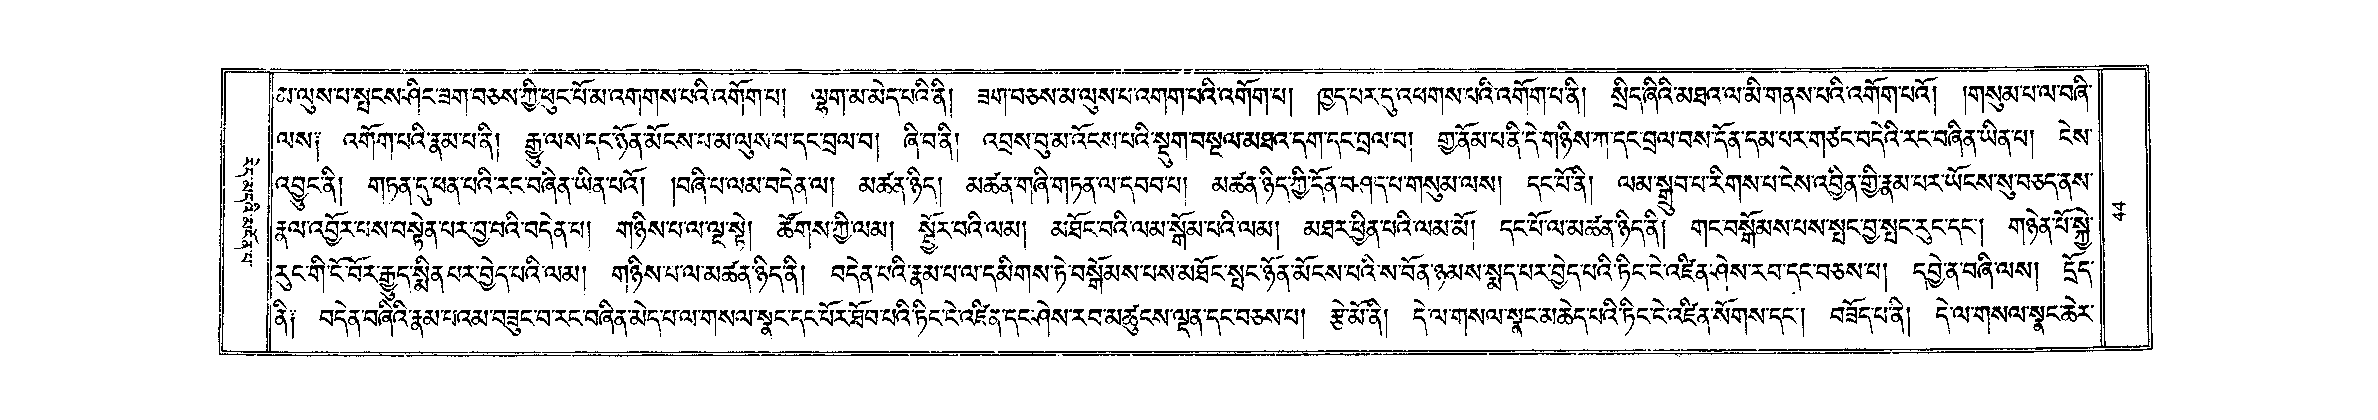མ་ལུས་པ་སྤངས་ཤིང་ཟག་བཅས་ཀྱི་ཕུང་པོ་མ་འགགས་པའི་འགོག་པ། ལྷག་མ་མེད་པའི་ནི། ཟག་བཅས་མ་ལུས་པ་འགག་པའི་འགོག་པ། ཁྱད་པར་དུ་འཕགས་པའི་འགོག་པ་ནི། སྲིད་ཞིའི་མཐའ་ལ་མི་གནས་པའི་འགོག་པའོ། །གསུམ་པ་ལ་བཞི་
ལས༑ འགོག་པའི་རྣམ་པ་ནི། རྒྱུ་ལས་དང་ཉོན་མོངས་པ་མ་ལུས་པ་དང་བྲལ་བ། ཞི་བ་ནི། འབྲས་བུ་མ་འོངས་པའི་སྡུག་བསྔལ་མཐའ་དག་དང་བྲལ་བ། གྱ་ནོམ་པ་ནི་དེ་གཉིས་ཀ་དང་བྲལ་བས་དོན་དམ་པར་གཙང་བདེའི་རང་བཞིན་ཡིན་པ། ངེས་
འབྱུང་ནི། གཏན་དུ་ཕན་པའི་རང་བཞིན་ཡིན་པའོ། །བཞི་པ་ལམ་བདེན་ལ། མཚན་ཉིད། མཚན་གཞི་གཏན་ལ་དབབ་པ། མཚན་ཉིད་ཀྱི་དོན་བཤད་པ་གསུམ་ལས། དང་པོ་ནི། ལམ་སྒྲུབ་པ་རིགས་པ་ངེས་འབྱིན་གྱི་རྣམ་པར་ཡོངས་སུ་བཅད་ནས་
རྣལ་འབྱོར་པས་བསྟེན་པར་བྱ་བའི་བདེན་པ། གཉིས་པ་ལ་ལྔ་སྟེ། ཚོགས་ཀྱི་ལམ། སྦྱོར་བའི་ལམ། མཐོང་བའི་ལམ་སྒོམ་པའི་ལམ། མཐར་ཕྱིན་པའི་ལམ་མོ། དང་པོ་ལ་མཚན་ཉིད་ནི། གང་བསྒོམས་པས་སྤང་བྱ་སྤང་རུང་དང་། གཉེན་པོ་སྐྱེ་
རུང་གི་ངོ་བོར་རྒྱུད་སྨིན་པར་བྱེད་པའི་ལམ། གཉིས་པ་ལ་མཚན་ཉིད་ནི། བདེན་པའི་རྣམ་པ་ལ་དམིགས་ཏེ་བསྒོམས་པས་མཐོང་སྤང་ཉོན་མོངས་པའི་ས་བོན་ཉམས་སྨད་པར་བྱེད་པའི་ཏིང་ངེ་འཛིན་ཤེས་རབ་དང་བཅས་པ། དབྱེ་ན་བཞི་ལས། དྲོད་
ནི༑ བདེན་བཞིའི་རྣམ་པའམ་བཟུང་བ་རང་བཞིན་མེད་པ་ལ་གསལ་སྣང་དང་པོར་ཐོབ་པའི་ཏིང་ངེ་འཛིན་དང་ཤེས་རབ་མཚུངས་ལྡན་དང་བཅས་པ། རྩེ་མོ་ནི། དེ་ལ་གསལ་སྣང་མཆེད་པའི་ཏིང་ངེ་འཛིན་སོགས་དང་། བཟོད་པ་ནི། དེ་ལ་གསལ་སྣང་ཆེར་